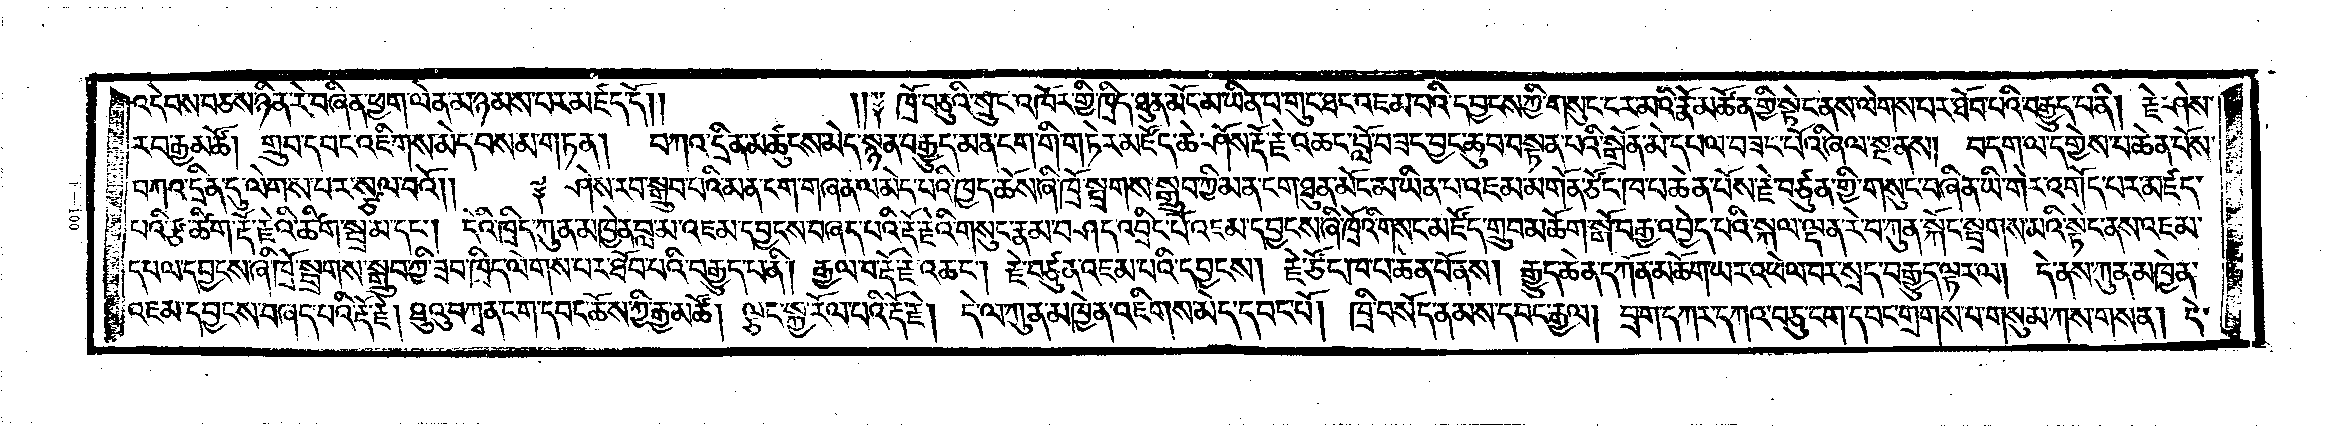འདེབས་བཅས་ཉིན་རེ་བཞིན་ཕྱག་ལེན་མ་ཉམས་པར་མཛད་དོ།། །།༈ ཁྲོ་བཅུའི་སྲུང་འཁོར་གྱི་ཁྲིད་ཐུན་མོང་མ་ཡིན་པ་གུང་ཐང་འཇམ་པའི་དབྱངས་ཀྱི་གསུང་ངར་མའི་རྣོ་མཚན་གྱི་སྟེང་ནས་ལེགས་པར་ཐོབ་པའི་བརྒྱུད་པ་ནི། རྗེ་ཤེས་
རབ་རྒྱ་མཚོ། གྲུབ་དབང་འཇིགས་མེད་བསམ་གཏན། བཀའ་དྲིན་མཚུངས་མེད་སྙན་བརྒྱུད་མན་ངག་གི་གཏེར་མཛོད་ཆེ་ཤོས་རྡོ་རྗེ་འཆང་བློ་བཟང་བྱང་ཆུབ་བསྟན་པའི་སྒྲོན་མེ་དཔལ་བཟང་པོའི་ཞལ་སྔ་ནས། བདག་ལ་དགྱེས་པ་ཆེན་པོས་
བཀའ་དྲིན་དུ་ལེགས་པར་སྩལ་བའོ།། འ་ཤེས་རབ་སྒྲུབ་པའི་མན་ངག་གཞན་ལ་མེད་པའི་ཁྱད་ཆོས་ཞི་ཁྲོ་སྦྲགས་སྒྲུབ་ཀྱི་མན་ངག་ཐུན་མོང་མ་ཡིན་པ་འཇམ་མགོན་ཙོང་ཁ་པ་ཆེན་པོས་རྗེ་བཙུན་གྱི་གསུང་བཞིན་ཡི་གེར་འགོད་པར་མཛད་
པའི་རྩ་ཚིག་རྡོ་རྗེའི་ཚིག་སྦྲ་མ་དང་། དེའི་ཁྲིད་ཀུན་མཁྱེན་བླ་མ་འཇམ་དབྱངས་བཞད་པའི་རྡོ་རྗེའི་གསུང་རྣམ་བཤད་འབྲིང་པོ་འཇམ་དབྱངས་ཞི་ཁྲོའི་གསང་མཛོད་གྲུབ་མཆོག་སྒོ་བརྒྱ་འབྱེད་པའི་སྐལ་ལྡན་རེ་བ་ཀུན་སྐོང་སྦྲགས་མའི་སྟེང་ནས་འཇམ་
དཔལ་དབྱངས་ཞི་ཁྲོ་སྦྲགས་སྒྲུབ་ཀྱི་ཟབ་ཁྲིད་ལེགས་པར་ཐོབ་པའི་བརྒྱུད་པ་ནི། རྒྱལ་བ་རྡོ་རྗེ་འཆང་། རྗེ་བཙུན་འཇམ་པའི་དབྱངས། རྗེ་ཙོང་ཁ་པ་ཆེན་པོ་ནས། རྒྱུད་ཆེན་དཀོན་མཆོག་ཡར་འཕེལ་བར་སྲད་བརྒྱུད་ལྟར་ལ། དེ་ནས་ཀུན་མཁྱེན་
འཇམ་དབྱངས་བཞད་པའི་རྡོ་རྗེ། ཐུའུ་བཀྭན་ངག་དབང་ཆོས་ཀྱི་རྒྱ་མཚོ། ལྕང་སྐྱ་རོལ་བའི་རྡོ་རྗེ། དེ་ལ་ཀུན་མཁྱེན་འཇིགས་མེད་དབང་པོ། ཁྲི་བསོད་ནམས་དབང་རྒྱལ། བྲག་དཀར་དཀའ་བཅུ་ངག་དབང་གྲགས་པ་གསུམ་ཀས་གསན། དེ་